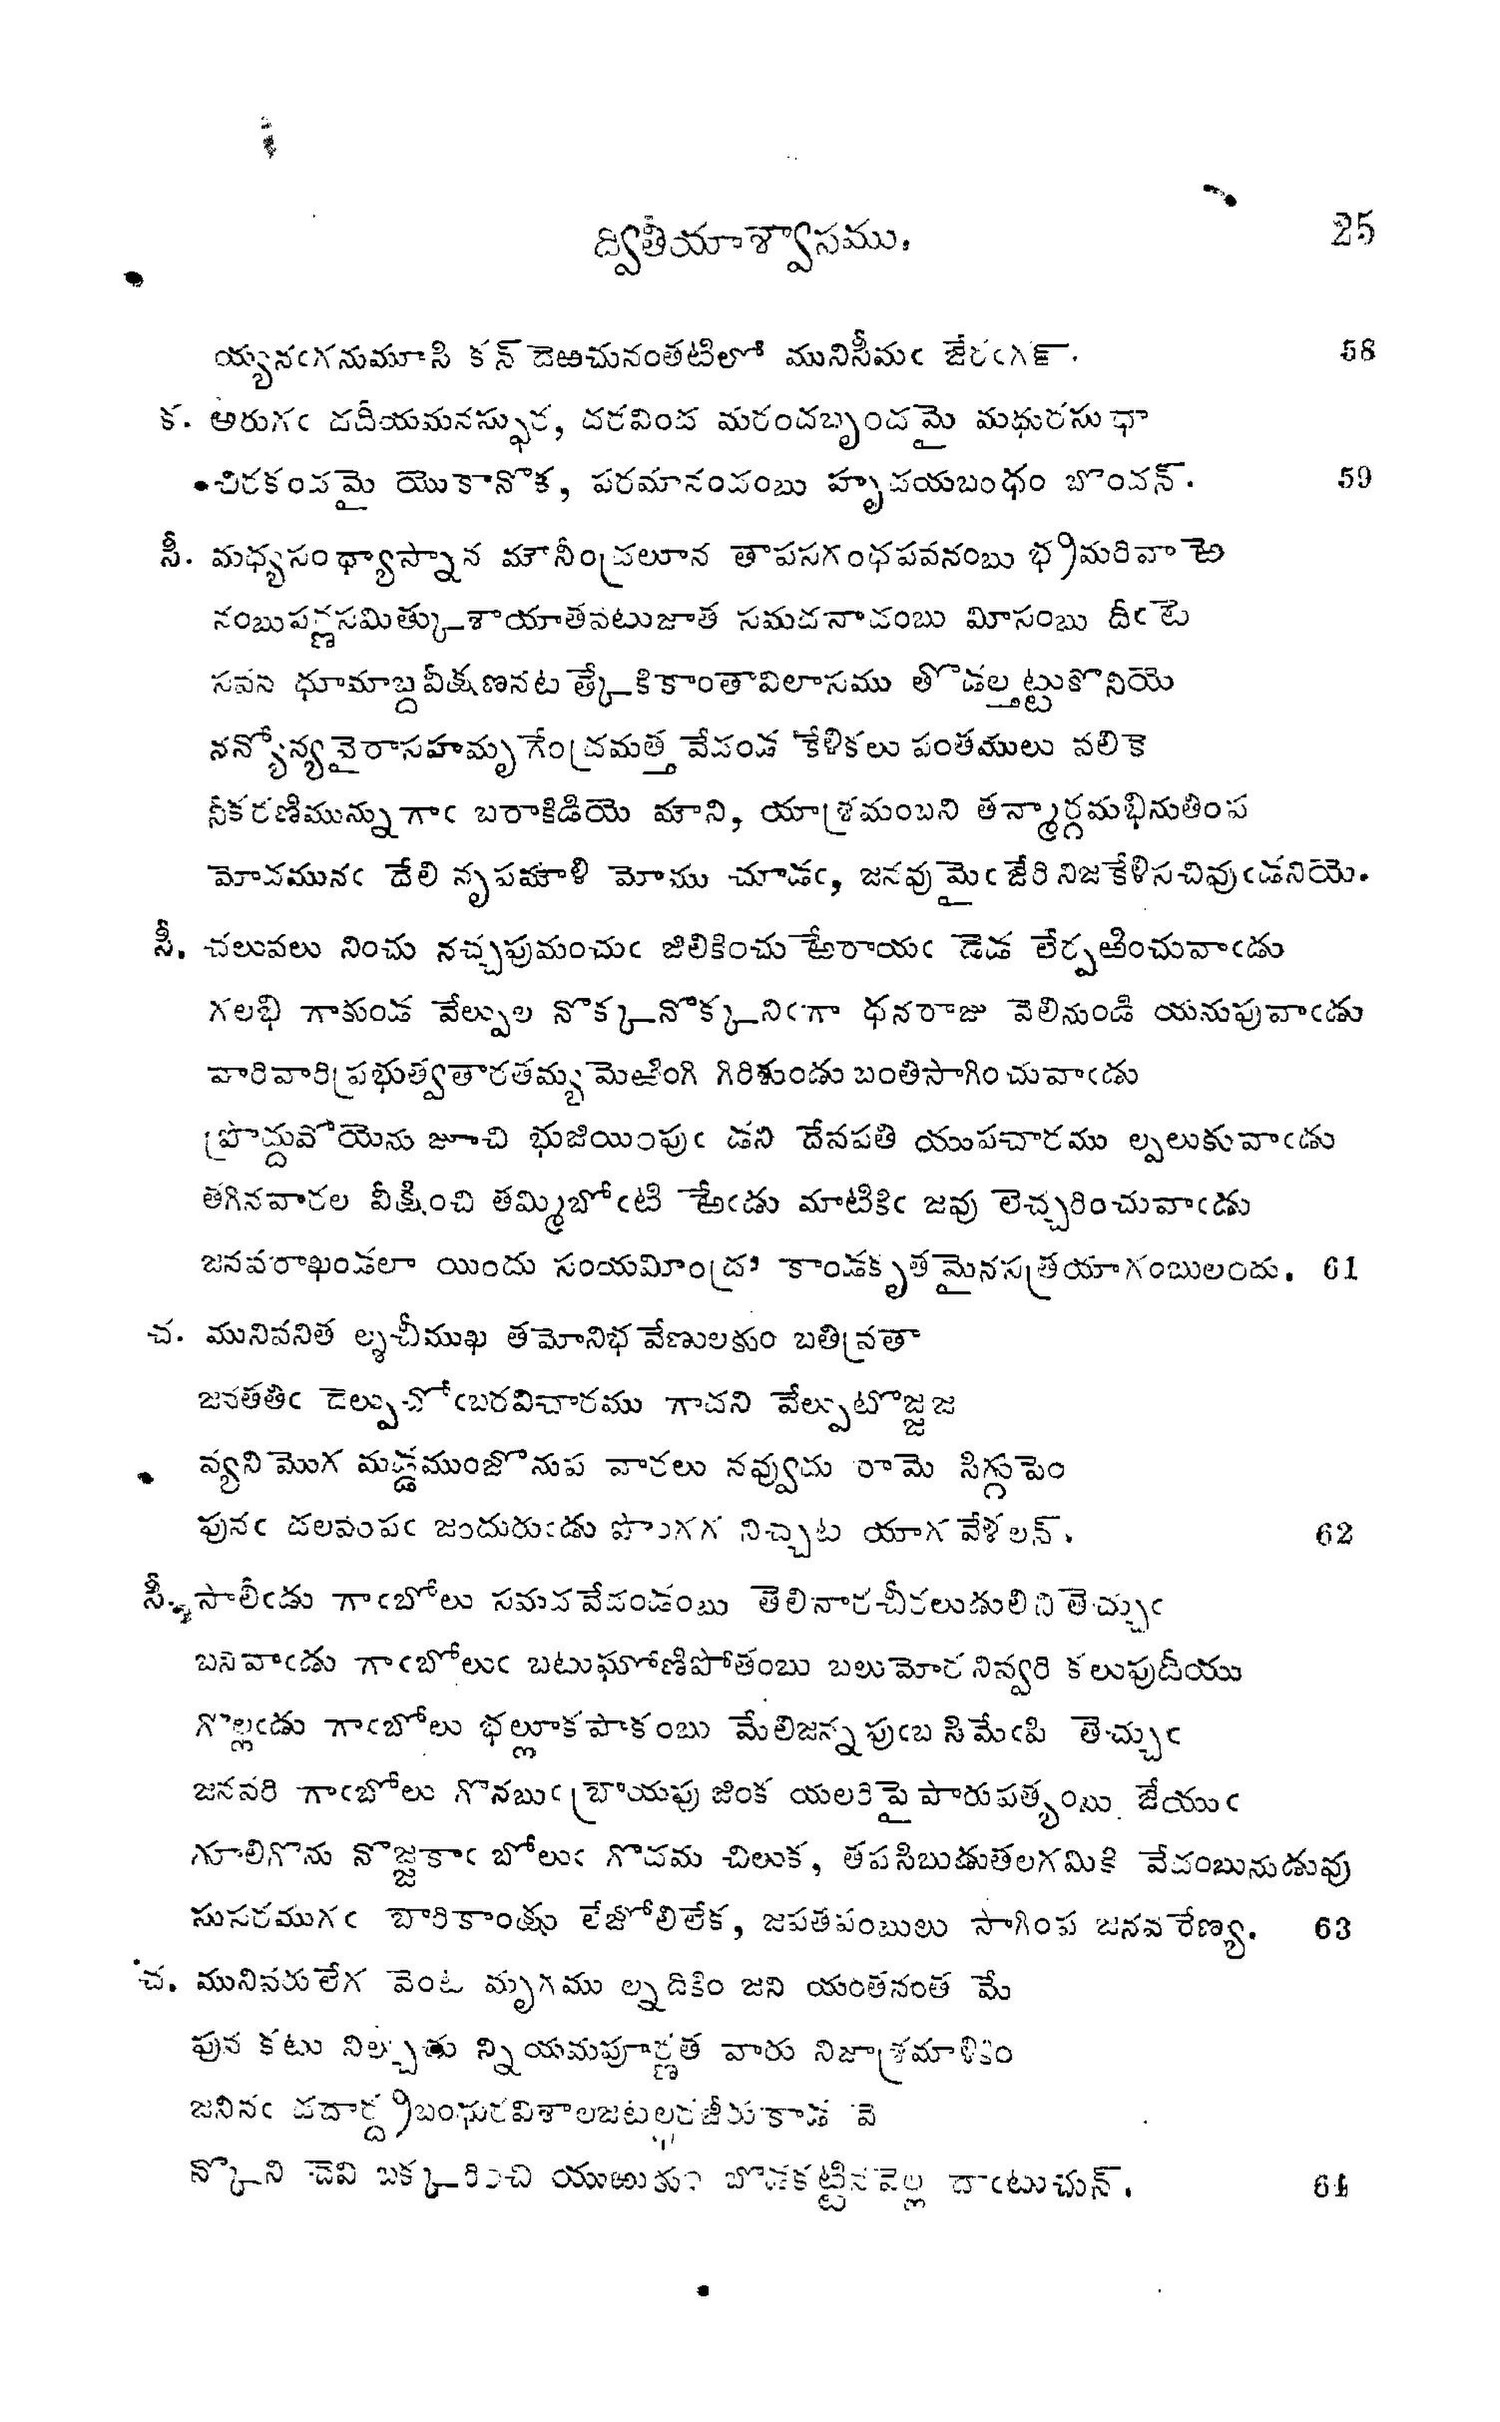య్యనఁ గను మూసి కన్ దెఱచునంతటిలో మునిసీమఁ జేరఁగన్.
క. అరుగఁ దదీయమనస్ఫుర, దరవింద మరందబృందమై మధురసుధా
చిరకందమై యొకానొక , పరమానందంబు హృదయబంధం బొందన్.
సీ. మధ్యసంధ్యాస్నాన మౌనీంద్రలూన తాపసగంధపవనంబు భ్రమరివాఱె
నంబుపర్ణసమిత్కుశాయాతవటుజాతసమదనాదంబు మీసంబు దీఁటె
సవన ధూమాబ్దవీక్షణనటత్కేకికాంతావిలాసము తొడ ల్తట్టుకొనియె
నన్యోన్యవైరాసహమృగేంద్రమత్తవేషండకేళికలు పంతములు వలికె
నీకరణిమున్నుగాఁ బరాకిడియె మౌని, యాశ్రమంబని తన్మార్గ మభినుతింప
మోదమునఁ దేలి నృపమౌళి మోము చూడఁ, జనవు మైఁజేరి నిజకేళి సచివుఁ డనియె.
సీ. చలువలు నించు నచ్చపుమంచుఁ జిలికించు ఱేరాయఁ డెడ లేర్పఱించువాఁడు
గలభి గాకుండ వేల్పుల నొక్కనొక్కనిఁగా ధనరాజు వెలినుండి యనుపువాఁడు
వారివారిప్రభుత్వతారతమ్య మెఱింగి గిరిశుండు బంతిసాగించువాఁడు
ప్రొద్దుపోయెను జూచి భుజియింపుఁ డని దేవపతి యుపచారము ల్పలుకువాఁడు
తగినవారల వీక్షించి తమ్మిబోఁటి ఱేఁడు మాటికిఁ జవు లెచ్చరించువాఁడు
జనవరాఖండలా యిందు సంయమీంద్రకాండకృతమైన సత్రయాగంబులందు.
చ. మునివనిత ల్శచీముఖతమోనిభవేణులకుం బతివ్రతా
జనతతిఁ దెల్పుచోఁ బరవిచారము గాచని వేల్పుటొజ్జజ
వ్యనిమొగ మడ్డముంజోనుప వారలు నవ్వుచు రామె సిగ్గుపెం
పునఁ డలవంపఁ జందురుఁడు పొంగగ నిచ్చట యాగవేళలన్.
సీ. సాలీఁడు గాఁబోలు సమదవేదండంబు తెలినారచీకలు డులిచి తెచ్చుఁ
బనివాఁడు గాఁబోలుఁ బటుఘోణిపోతంబు బలుమోర నివ్వరి కలుపుదీయు
గొల్లఁడు గాఁబోలు భల్లూకపాకంబు మేలిజన్నపుఁబసి మేఁపి తెచ్చు
జనవరి గాఁబోలు గొనబుఁబ్రాయపుజింక యలరిపై పారుపత్యంబు జేయుఁ
గూలిగొను నొజ్జకాఁబోలు గొదమచిలుక, తపసిబుడుతలగమికి వేదంబు నుడువు
సుసరముగఁ బారికాంక్షు లేజోలి లేక, జపతపంబులు సాగింప జనవరేణ్య.
చ. మునివరు లేగ వెంట మృగము ల్నదికిం జని యంతనంత మే
పున కటు నిల్చుతు న్నియమపూర్ణత వారు నిజాశ్రమాళికిం
జనినఁ దదార్ద్రబంధురవిశాలజట ల్ధరజీరుకాడ వె
న్కొని చెవి బక్కరించి యుఱుకుం బొడకట్టినవెల్ల దాటుచున్.